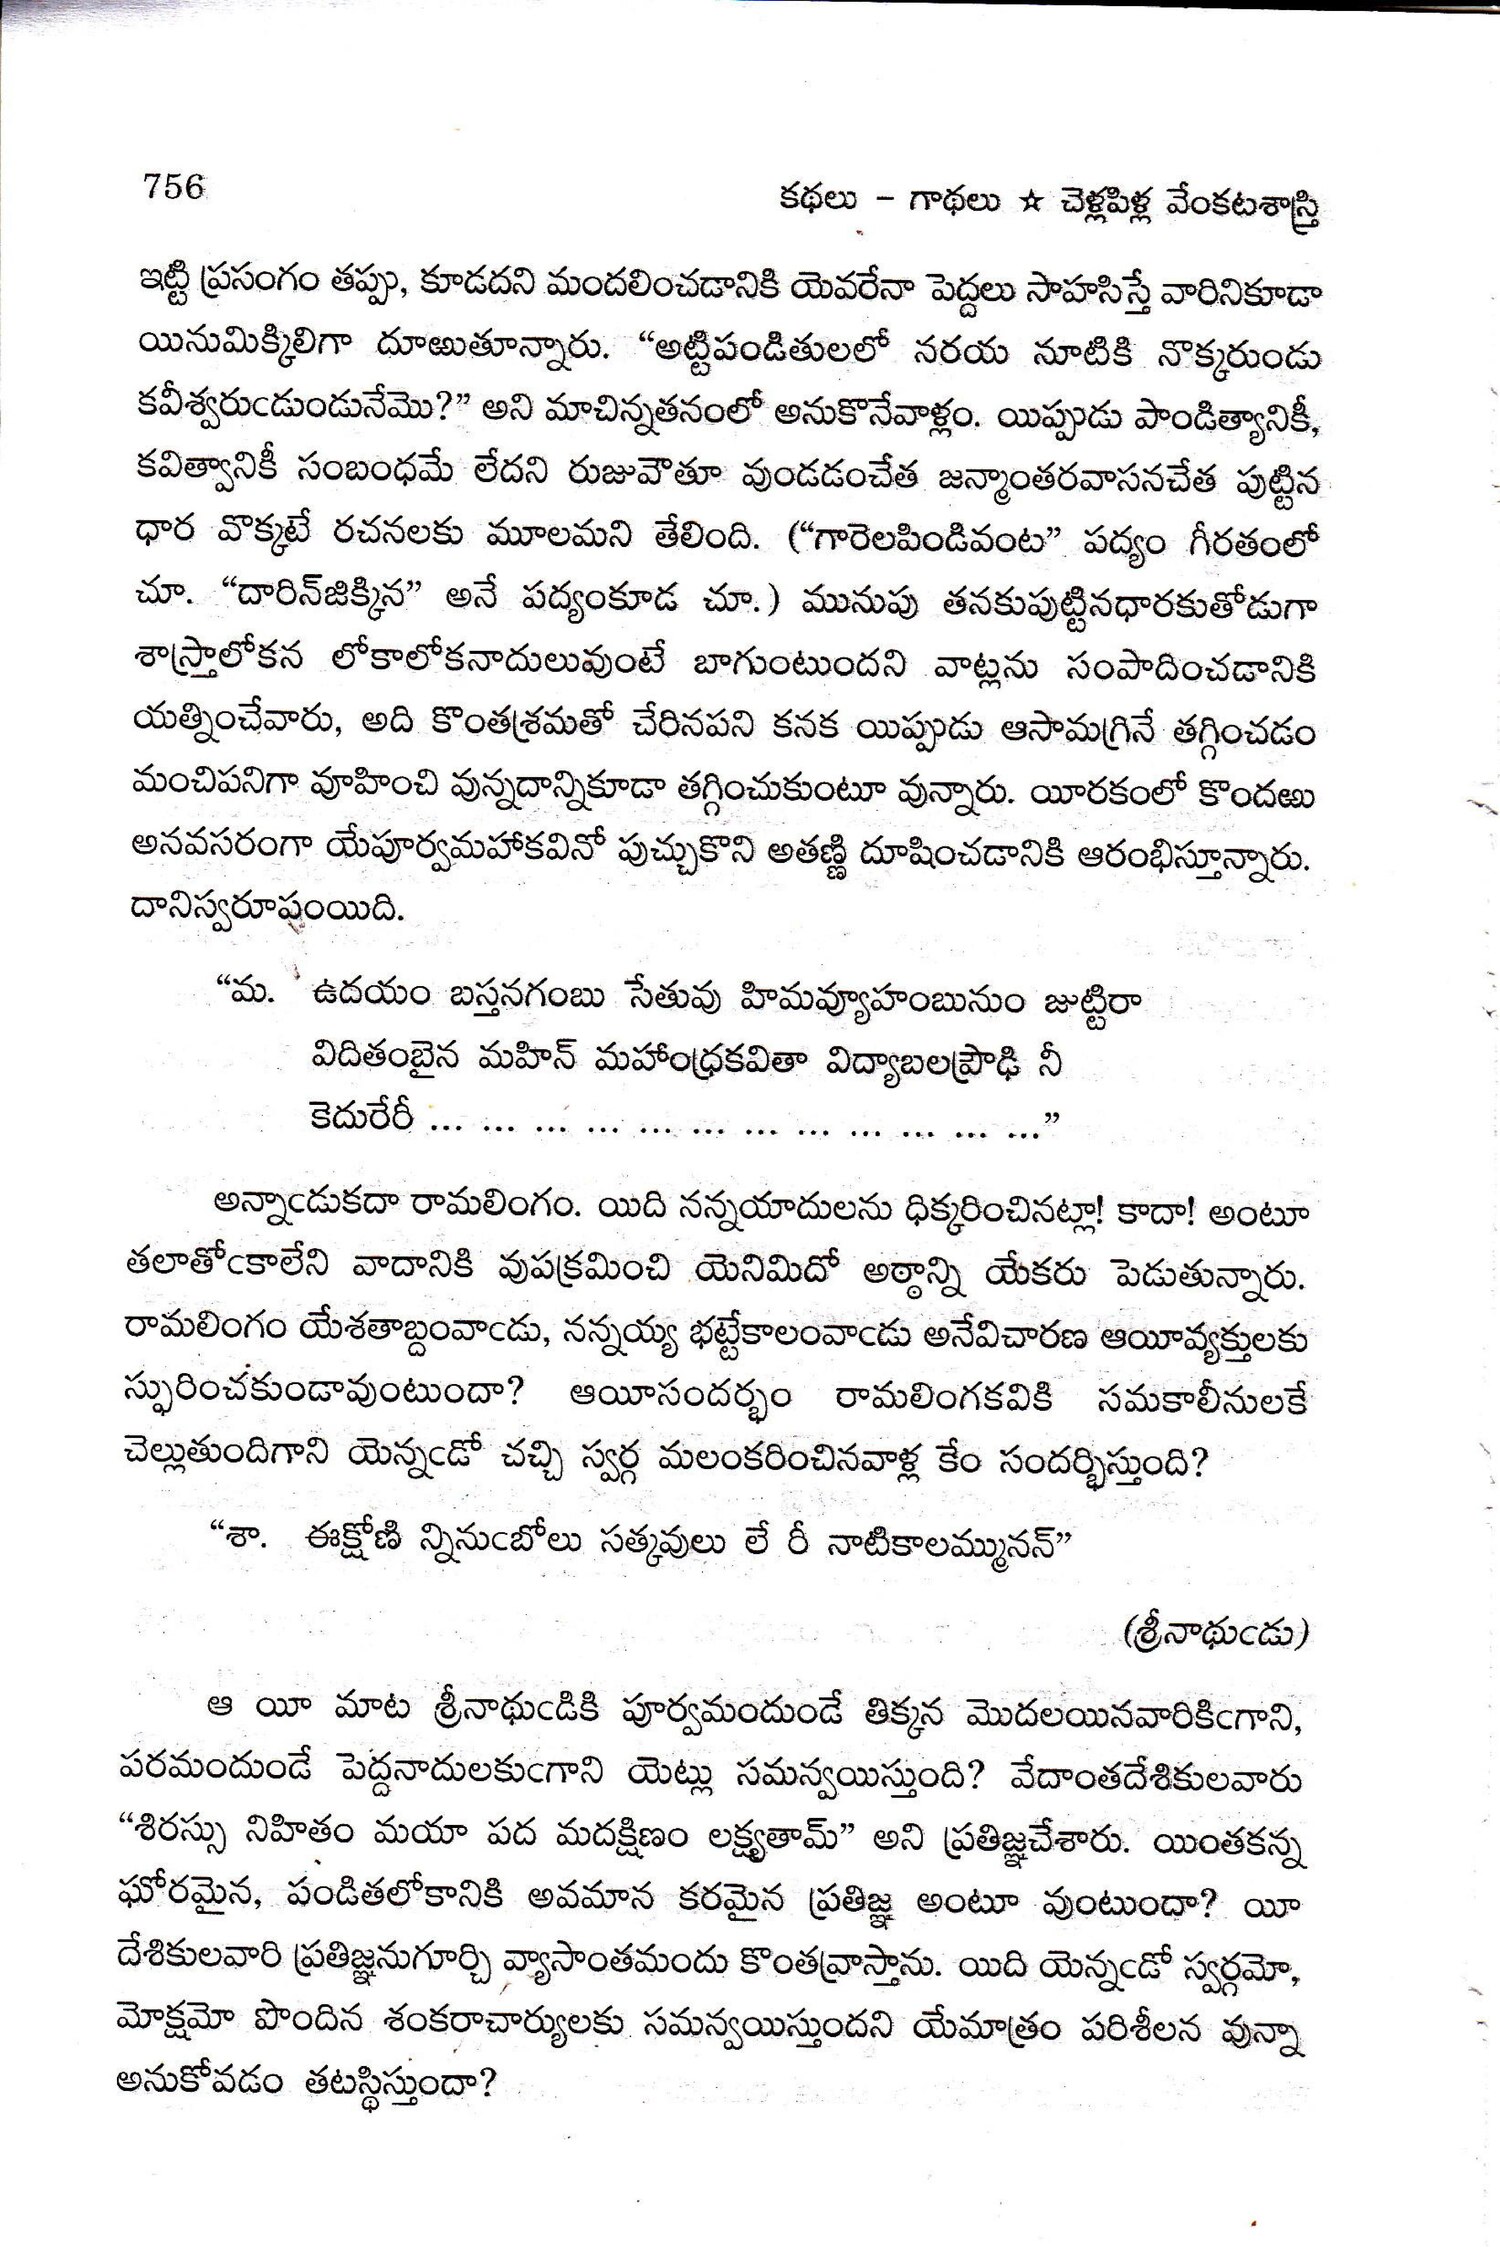ఇట్టి ప్రసంగం తప్పు, కూడదని మందలించడానికి యెవరేనా పెద్దలు సాహసిస్తే వారినికూడా యినుమిక్కిలిగా దూఱుతూన్నారు. “అట్టిపండితులలో నరయ నూటికి నొక్కరుండు కవీశ్వరుఁడుండునేమొ?” అని మాచిన్నతనంలో అనుకొనేవాళ్లం. యిప్పుడు పాండిత్యానికీ, కవిత్వానికీ సంబంధమే లేదని రుజువౌతూ వుండడంచేత జన్మాంతరవాసనచేత పుట్టిన ధార వొక్కటే రచనలకు మూలమని తేలింది. (“గారెలపిండివంట” పద్యం గీరతంలో చూ, "దారిన్‌జిక్కిన" అనే పద్యంకూడ చూ) మునుపు తనకుపుట్టినధారకుతోడుగా శాస్త్రాలోకన లోకాలోకనాదులువుంటే బాగుంటుందని వాట్లను సంపాదించడానికి యత్నించేవారు, అది కొంతశ్రమతో చేరినపని కనక యిప్పుడు ఆసామగ్రినే తగ్గించడం మంచిపనిగా వూహించి వున్నదాన్నికూడా తగ్గించుకుంటూ వున్నారు. యీరకంలో కొందఱు అనవసరంగా యేపూర్వమహాకవినో పుచ్చుకొని అతణ్ణి దూషించడానికి ఆరంభిస్తూన్నారు. దానిస్వరూపంయుది.

“మ. ఉదయం బస్తనగంబు సేతువు హిమవ్యూహంబునుం జుట్టిరా 
 విదితంబైన మహిన్ మహాంధ్రకవితా విద్యాబలప్రౌఢి నీ 
 కెదురేరీ . . . . . . . . . . ....................................... ."
అన్నాఁడుకదా రామలింగం. యిది నన్నయాదులను ధిక్కరించినట్లా కాదా! అంటూ తలాతోఁకాలేని వాదానికి వుపక్రమించి యెనిమిదో అఠ్ఠాన్ని యేకరు పెడుతున్నారు. రామలింగం యేశతాబ్దంవాఁడు, నన్నయ్య భట్టేకాలంవాఁడు అనేవిచారణ ఆయీవ్యక్తులకు స్ఫురించకుండావుంటుందా? ఆయీసందర్భం రామలింగకవికి సమకాలీనులకే చెల్లుతుందిగాని యెన్నఁడో చచ్చి స్వర్గ మలంకరించినవాళ్ల కేం సందర్భిస్తుంది?

"శా. ఈక్షోణి నినుఁబోలు సత్కవులు లే రీ నాటికాలమ్మునన్"
 (శ్రీనాథుఁడు)
ఆ యీ మాట శ్రీనాథుఁడికి పూర్వమందుండే తిక్కన మొదలయినవారికిఁగాని, పరమందుండే పెద్దనాదులకుఁగాని యెట్లు సమన్వయిస్తుంది? వేదాంతదేశికులవారు "శిరస్సు నిహితం మయా పద మదక్షిణం లక్ష్యతామ్" అని ప్రతిజ్ఞచేశారు. యింతకన్న ఘోరమైన, పండితలోకానికి అవమాన కరమైన ప్రతిజ్ఞ అంటూ వుంటుందా? యీ దేశికులవారి ప్రతిజ్ఞనుగూర్చి వ్యాసాంతమందు కొంతవ్రాస్తాను. యిది యెన్నఁడో స్వర్గమో, మోక్షమో పొందిన శంకరాచార్యులకు సమన్వయిస్తుందని యేమాత్రం పరిశీలన వున్నా అనుకోవడం తటస్థిస్తుందా?